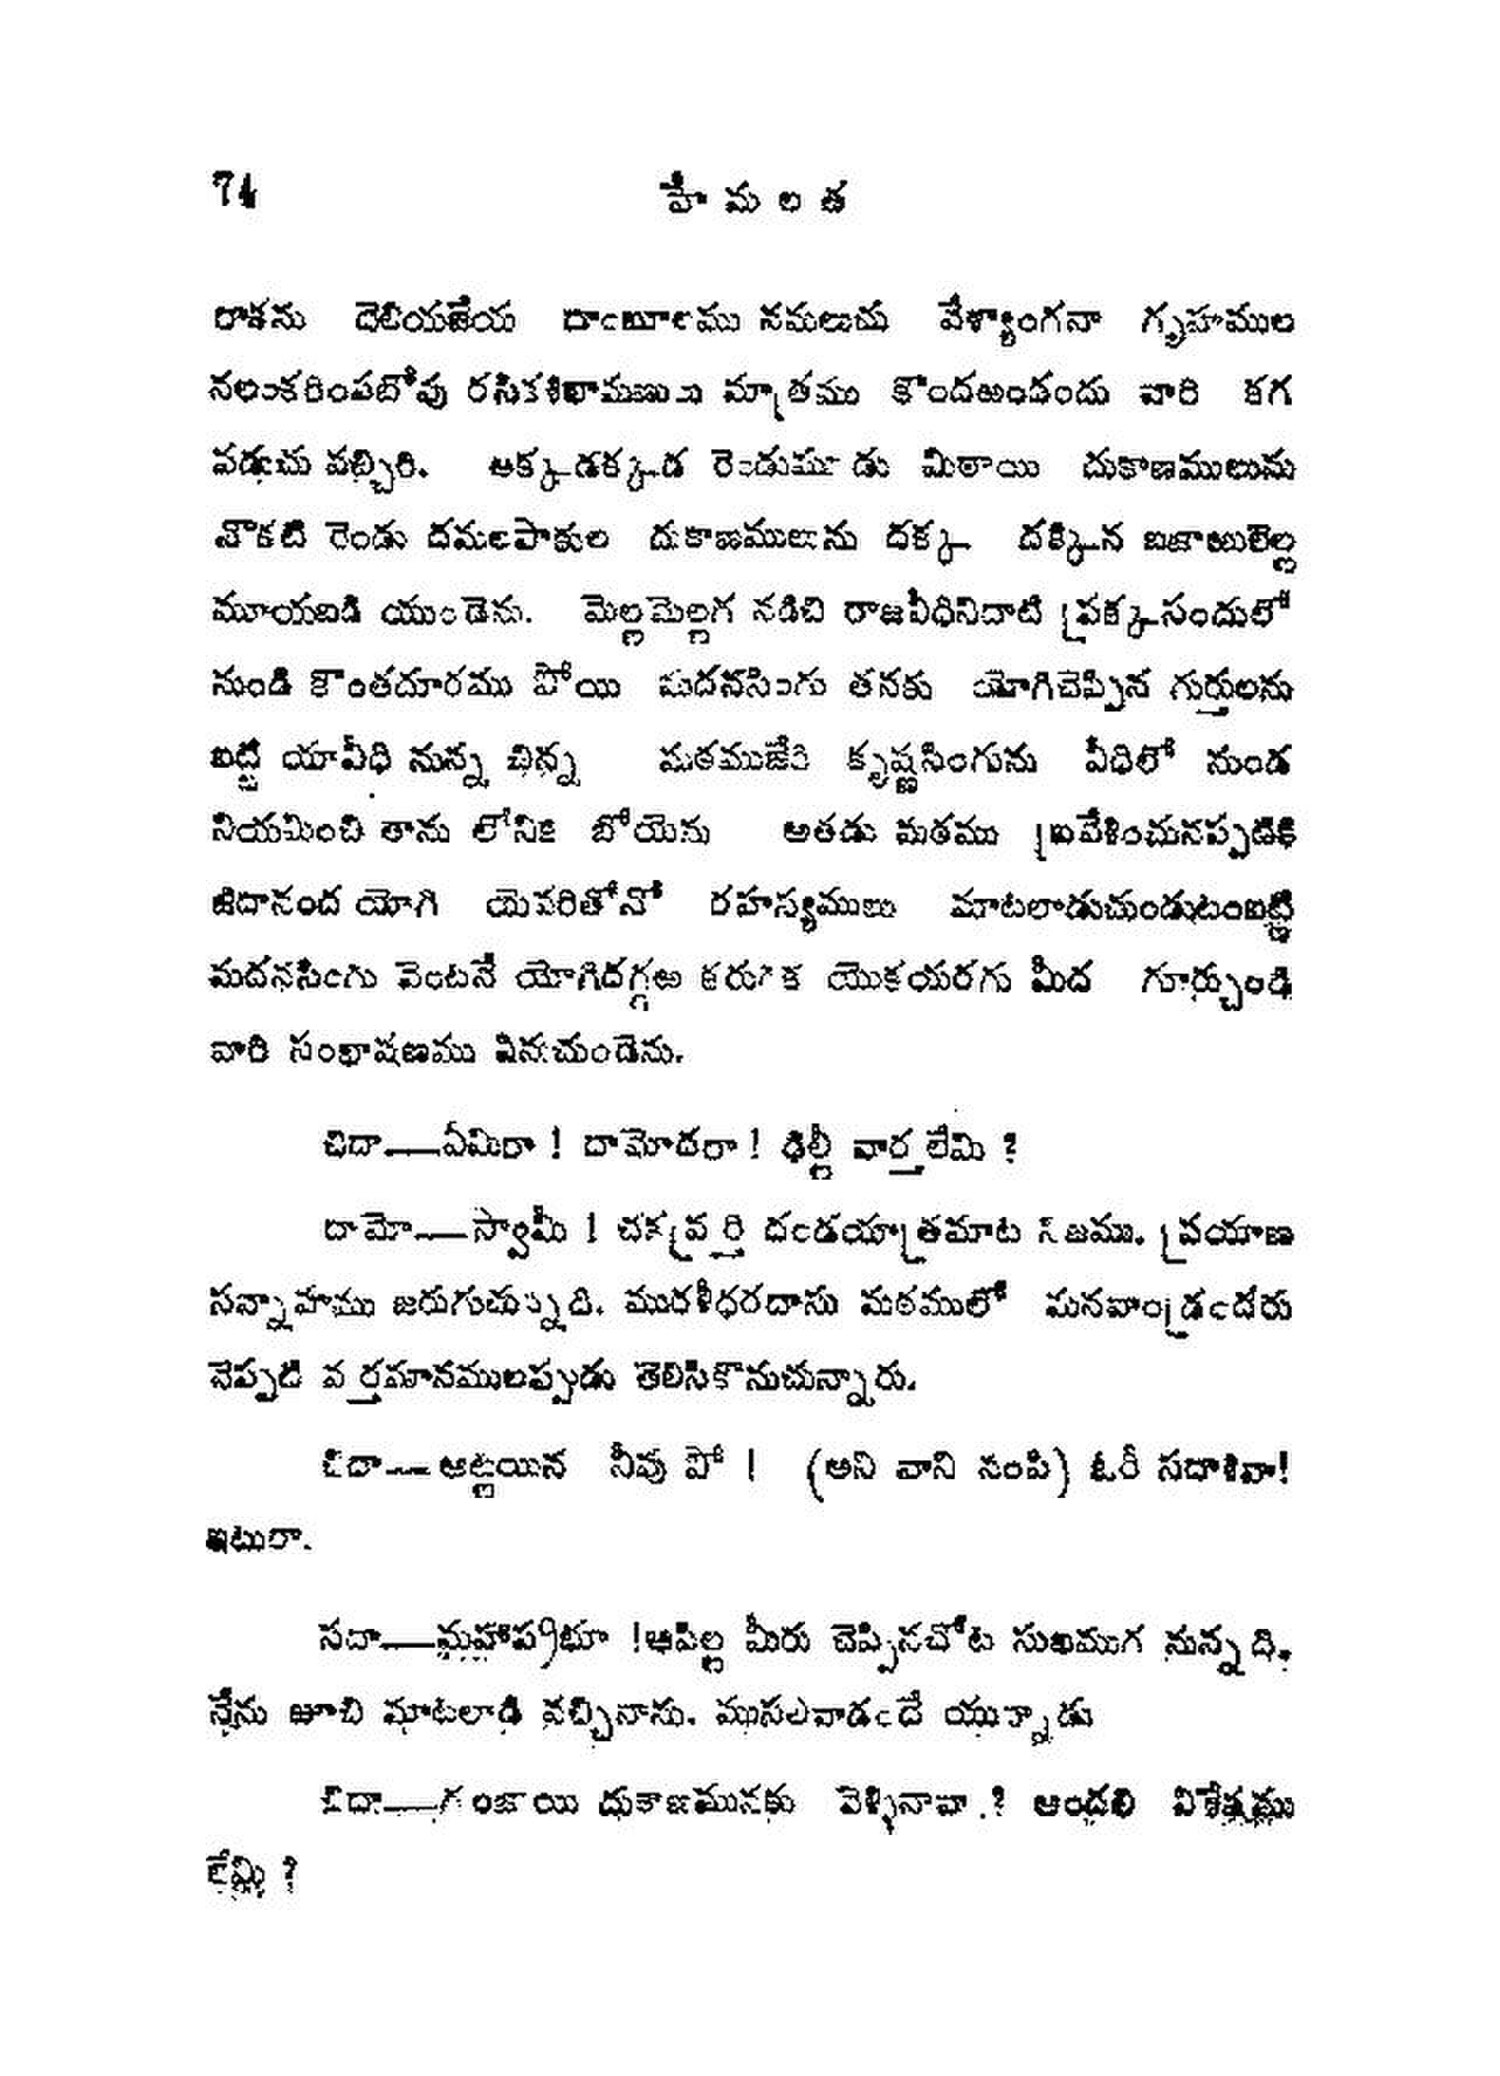రాకను దెలియజేయ దాంబూలము నమలుచు వేశ్యాంగనా గృహముల నలంకరింపబోవు రసికశిఖామణులు మాత్రము కొందఱందందు వారి కగపడుచు వచ్చిరి. అక్కడక్కడ రెండుమూడు మిఠాయి దుకాణములును వొకటి రెండు తమలపాకుల దుకాణములును దక్క దక్కిన బజాఱులెల్ల మూయబడియుండెను. మెల్లమెల్లగ నడచి రాజవీధినిదాటి ప్రక్కసందులోనుండి కొంతదూరముపోయి మదనసింగు తనకు యోగిచెప్పిన గుర్తులను బట్టి యావీధి నున్న చిన్న మఠముజేరి కృష్ణసింగును వీధిలో నుండనియమించి తాను లోనికిబోయెను. అతడు మఠము బ్రవేశించునప్పటికి జిదానంద యోగి యెవరితోనో రహస్యములు మాటలాడుచుండుటంబట్టి మదనసింగు వెంటనే యోగిదగ్గఱ కరుగక యొక యరుగుమీద గూర్చుండి వారి సంభాషణము వినుచుండెను.

చిదా – ఏమిరా! దామోదరా ! ఢిల్లీ వార్తలేమి?

దామో – స్వామీ! చక్రవర్తి దండయాత్రమాట నిజము. ప్రయాణసన్నాహము జరుగుచున్నది. మురళీధరదాసు మఠములో మనవాండ్రందరు నెప్పటి వర్తమానములప్పుడు తెలిసికొనుచున్నారు.

చిదా – అట్లయిన నీవుపో! (అని వాని నంపి) ఓరీ సదాశివా! ఇటురా.

సదా – మహాప్రభూ! ఆపిల్ల మీరు జెప్పినచోట సుఖముగనున్నది. నేను జూచి మాటలాడి వచ్చినాను. ముసలివాడందే యున్నాడు.

చిదా – గంజాయి దుకాణమునకు వెళ్ళినావా? అందలి విశేషములేమి?